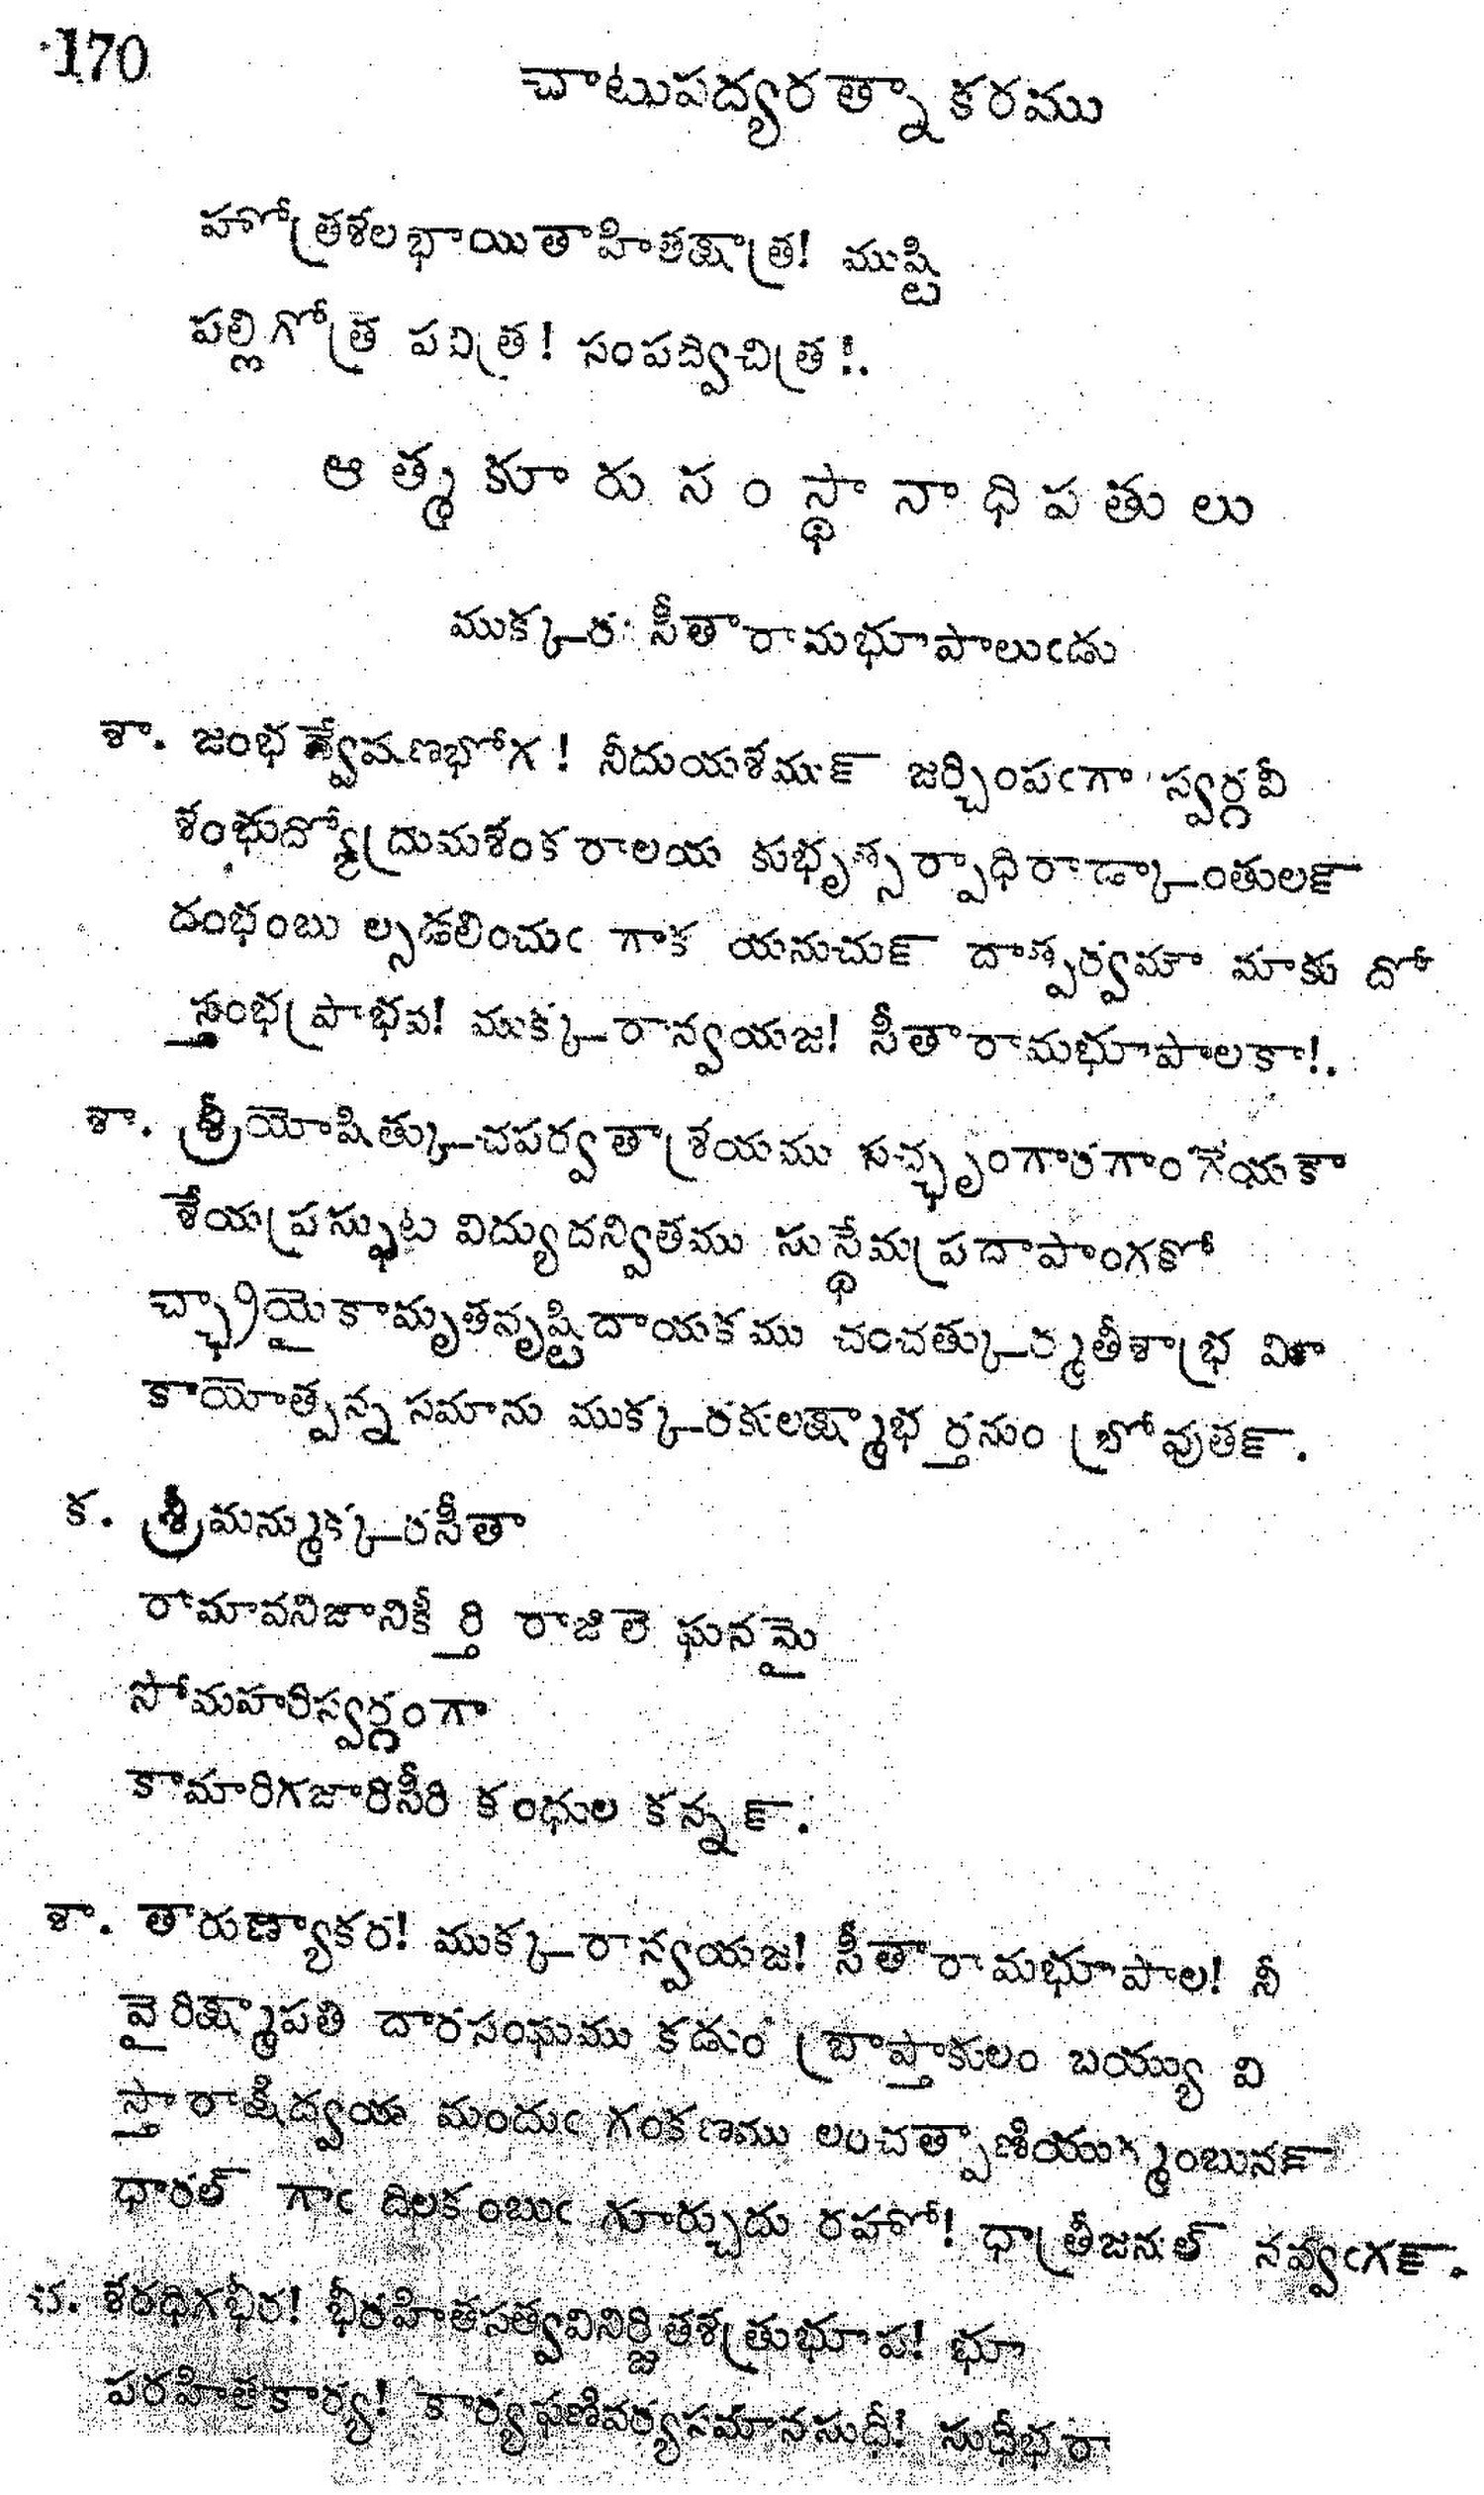హోత్రశలభాయితాహితక్షాత్ర! ముష్టి
 పల్లిగోత్రపవిత్ర! సంపద్విచిత్ర!

శా. జంభన్వేషణభోగ! నీదుయశమున్ జర్చింపఁగా స్వర్గవీ
 శంభుద్యోద్రుమశంకరాలయ కుభృత్సర్పాధిరాడ్కాంతులన్
 దంభంబు ల్సడలించుఁ గాక యనుచున్ దాత్పర్యమౌ మాకు దో
 స్తంభప్రాభవ! ముక్కరాయాన్వజ! సీతారామభూపాలకా!

శా. శ్రీయోషిత్కుచపర్వతాశ్రయము సచ్ఛృంగాకారగాంగేయకౌ
 శేయప్రస్ఫుటవిద్యుదన్వితము సుస్థేమప్రదాపాంగకో
 చ్ఛ్రాచైకామృతవృష్టిదాయకము చంచత్కుర్మతీశాభ్ర మీ
 కాయోత్పన్నసమాను ముక్కరకులక్ష్మాభర్తనుం బ్రోవుతన్.

క. శ్రీమన్ముక్కరసీతా
 రామావనిజానికీర్తి రాజిలె ఘనమై
 సోమహరిస్వర్గంగా
 కామారిగజారిసీరి కంధుల కన్నన్.

శా. తారుణ్యాకర! ముక్కరాన్వయజ! సీతారామభూపాల! నీ
 వైరిక్ష్మాపతి దారసంఘము కడుం బ్రాప్తాకులం బయ్యు వి
 స్తారాక్షిద్వయ మందుఁ గంకణము లంచత్పాణియుగ్మంబునన్
 ధారల్ గాఁ దిలకంబుఁ గూర్చుదు రహో! ధాత్రీజనుల్ నవ్వఁగన్.

చ. శరధిగభీర! భీరహితసత్వవినిర్జితశత్రుభూప! భూ
 పరహితకార్య! కార్యఫణివల్యసమానసుధీ! సుధీభరా